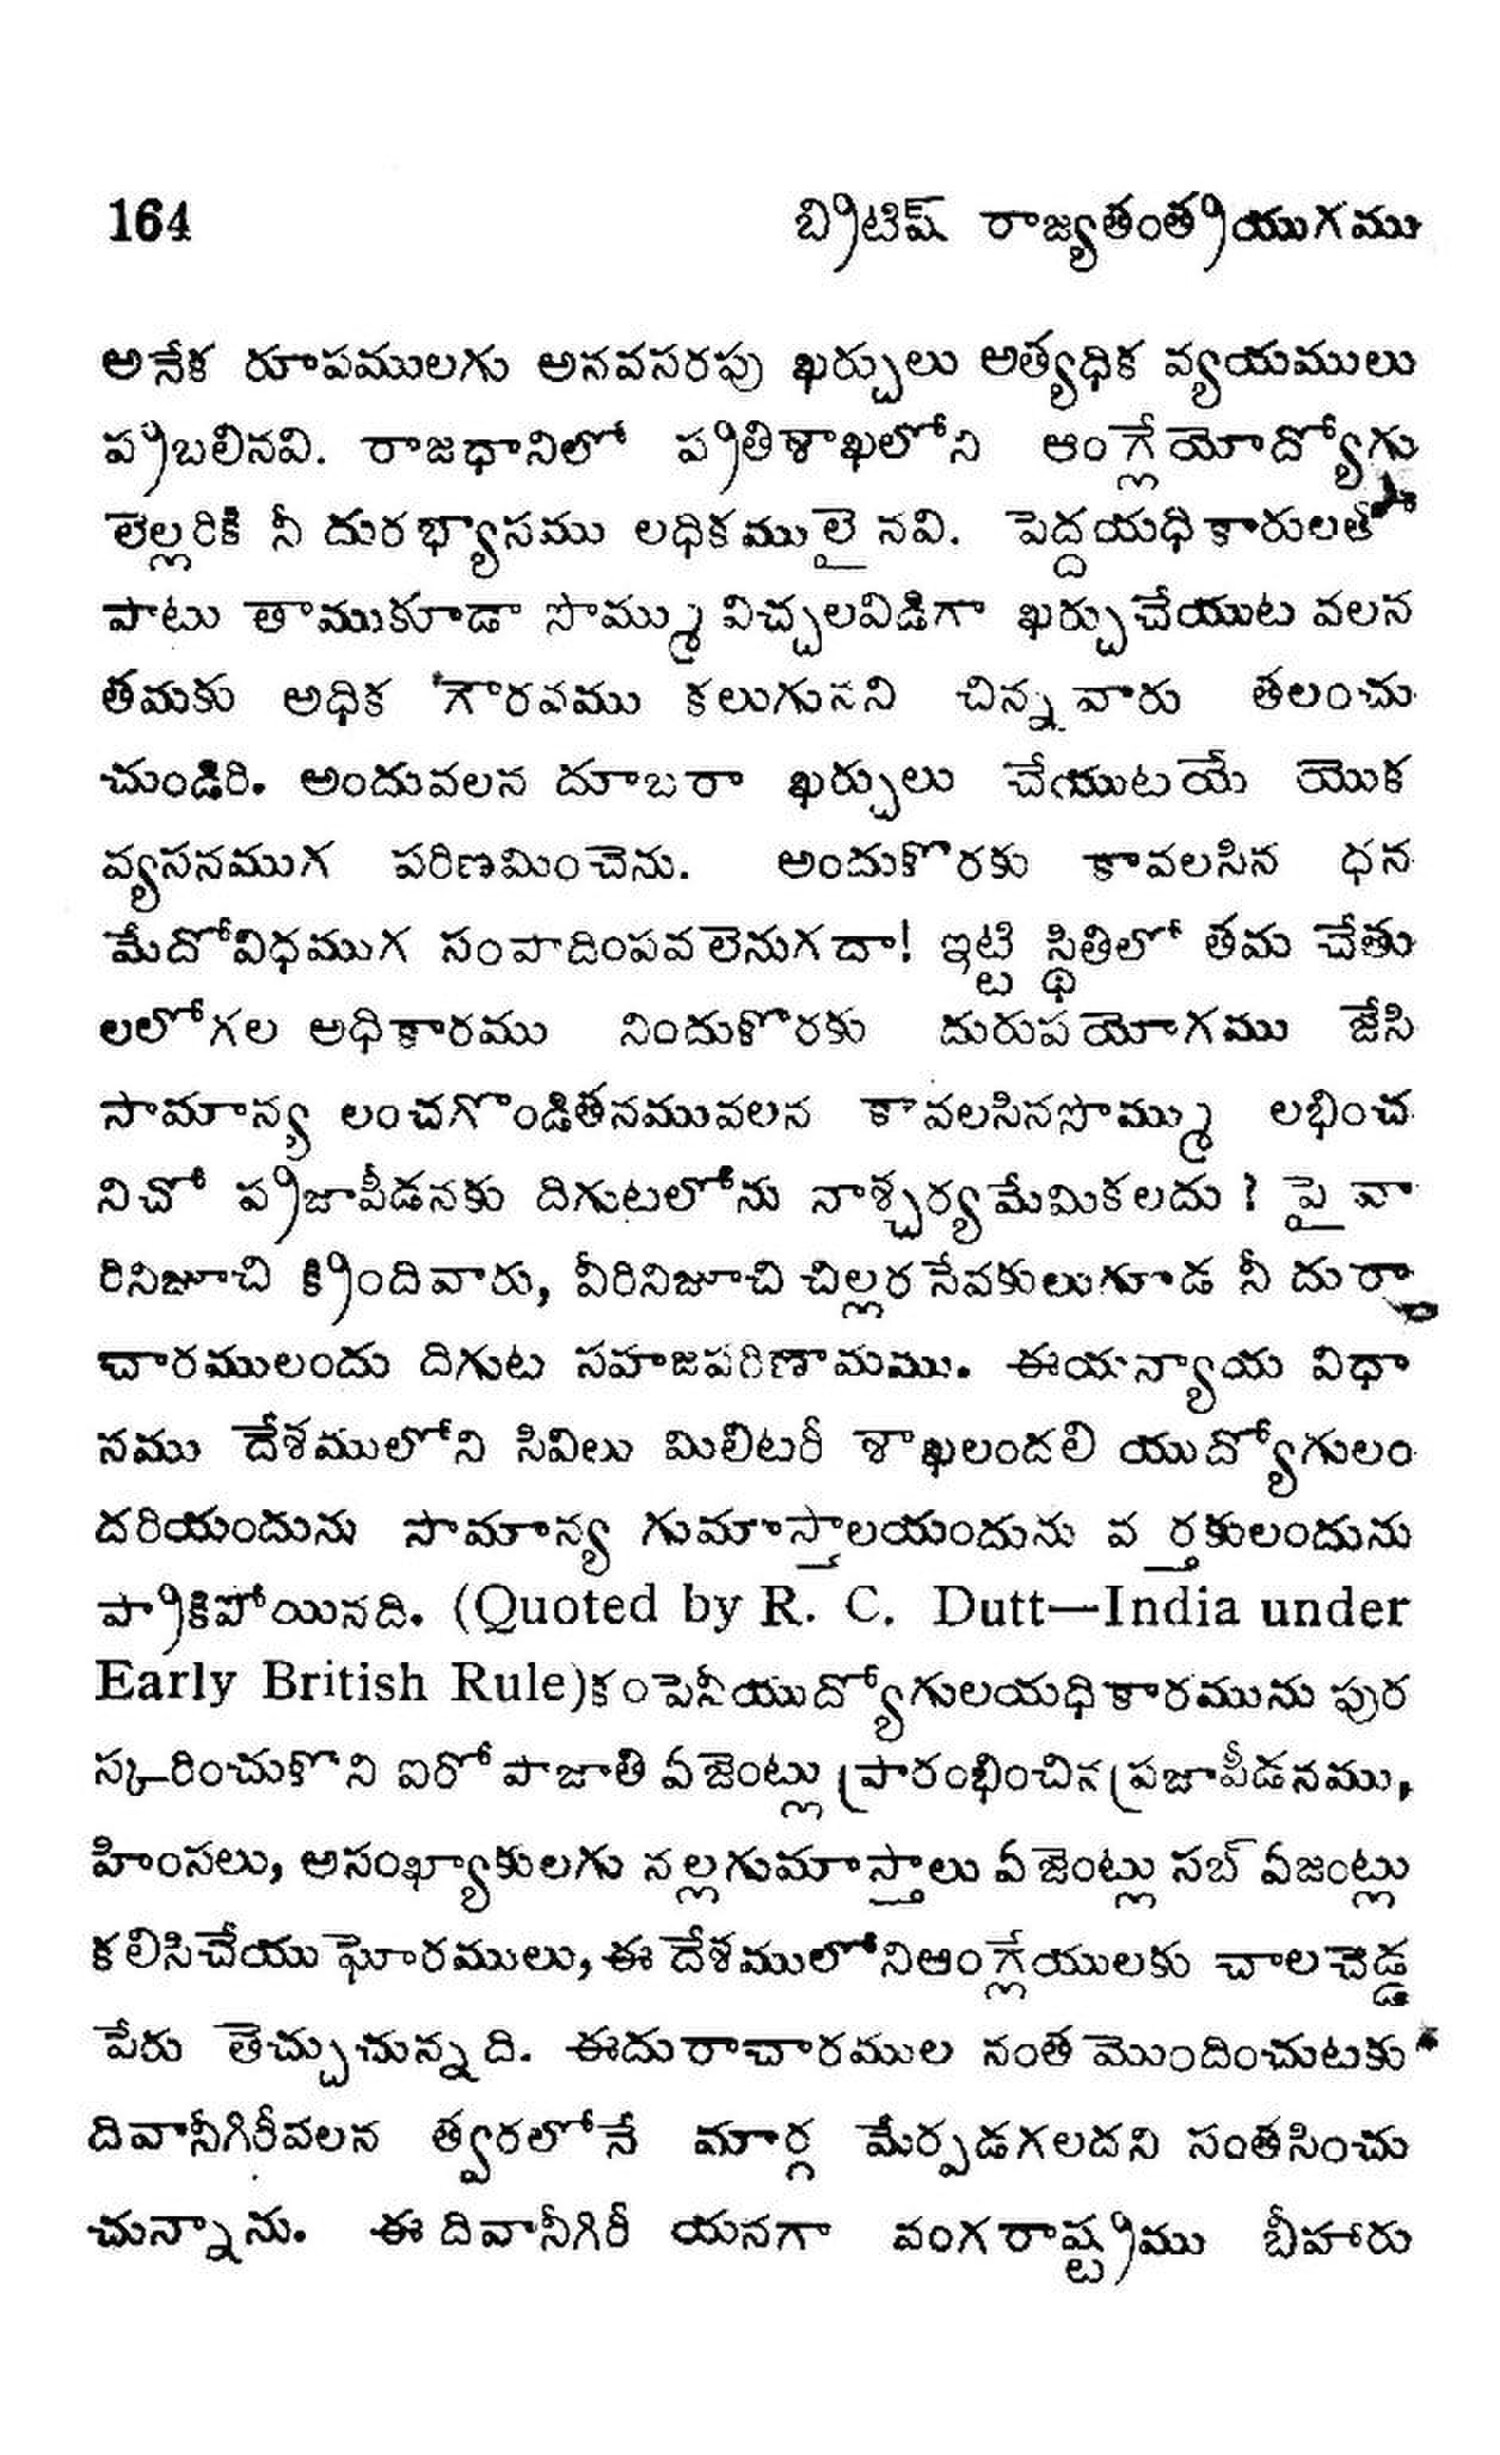అనేక రూపములగు అనవసరపు ఖర్చులు అత్యధిక వ్యయములు ప్రబలినవి. రాజధానిలో ప్రతిశాఖలోని ఆంగ్లేయోద్యోగు లెల్లరికి నీ దురభ్యాసము లధికములైనవి. పెద్దయధికారులతోపాటు తాము కూడా సొమ్ము విచ్చలవిడిగా ఖర్చుచేయుట వలన తమకు అధిక గౌరవము కలుగునని చిన్నవారు తలంచుచుండిరి. అందువలన దుబారా ఖర్చులు చేయుటయే యొక వ్యసనముగ పరిణమించెను. అందుకొరకు కావలసిన ధన మేదోవిధముగ సంపాదింపవలెనుగదా! ఇట్టి స్థితిలో తమ చేతులలోగల అధికారము నిందుకొరకు దురుపయోగము జేసి సామాన్య లంచగొండితనమువలన కావలసినసొమ్ము లభించనిచో ప్రజాపీడనకు దిగుటలోను నాశ్చర్యమేమిక లదు? పై వారినిజూచి క్రిందివారు, వీరినిజూచి చిల్లర సేవకులు గూడ నీదురాచారములందు దిగుట సహజపరిణామము. ఈయన్యాయ విధానము దేశములోని సివిలు మిలిటరీ శాఖలందలి యుద్యోగులం దరియందును సామాన్య గుమాస్తాలయందును వర్తకులందును ప్రాకిపోయినది. (Quoted by R. C. Dutt-India under Early British Rule)కంపెనీయుద్యోగులయధికారమును పురస్కరించుకొని ఐరోపాజాతి ఏజెంట్లు ప్రారంభించిన ప్రజాపీడనము , హింసలు, అసంఖ్యాకులగు నల్లగుమాస్తాలు ఏజెంట్లు సబ్ ఏజంట్లు కలిసిచేయు ఘోరములు, ఈ దేశములోని ఆంగ్లేయులకు చాల చెడ్డపేరు తెచ్చుచున్నది. ఈదురాచారముల నంత మొందించుటకు దివానీగిరీవలన త్వరలోనే మార్గ మేర్పడగలదని సంతసించుచున్నాను. ఈ దివానీగిరీ యనగా వంగరాష్ట్రము బీహారు